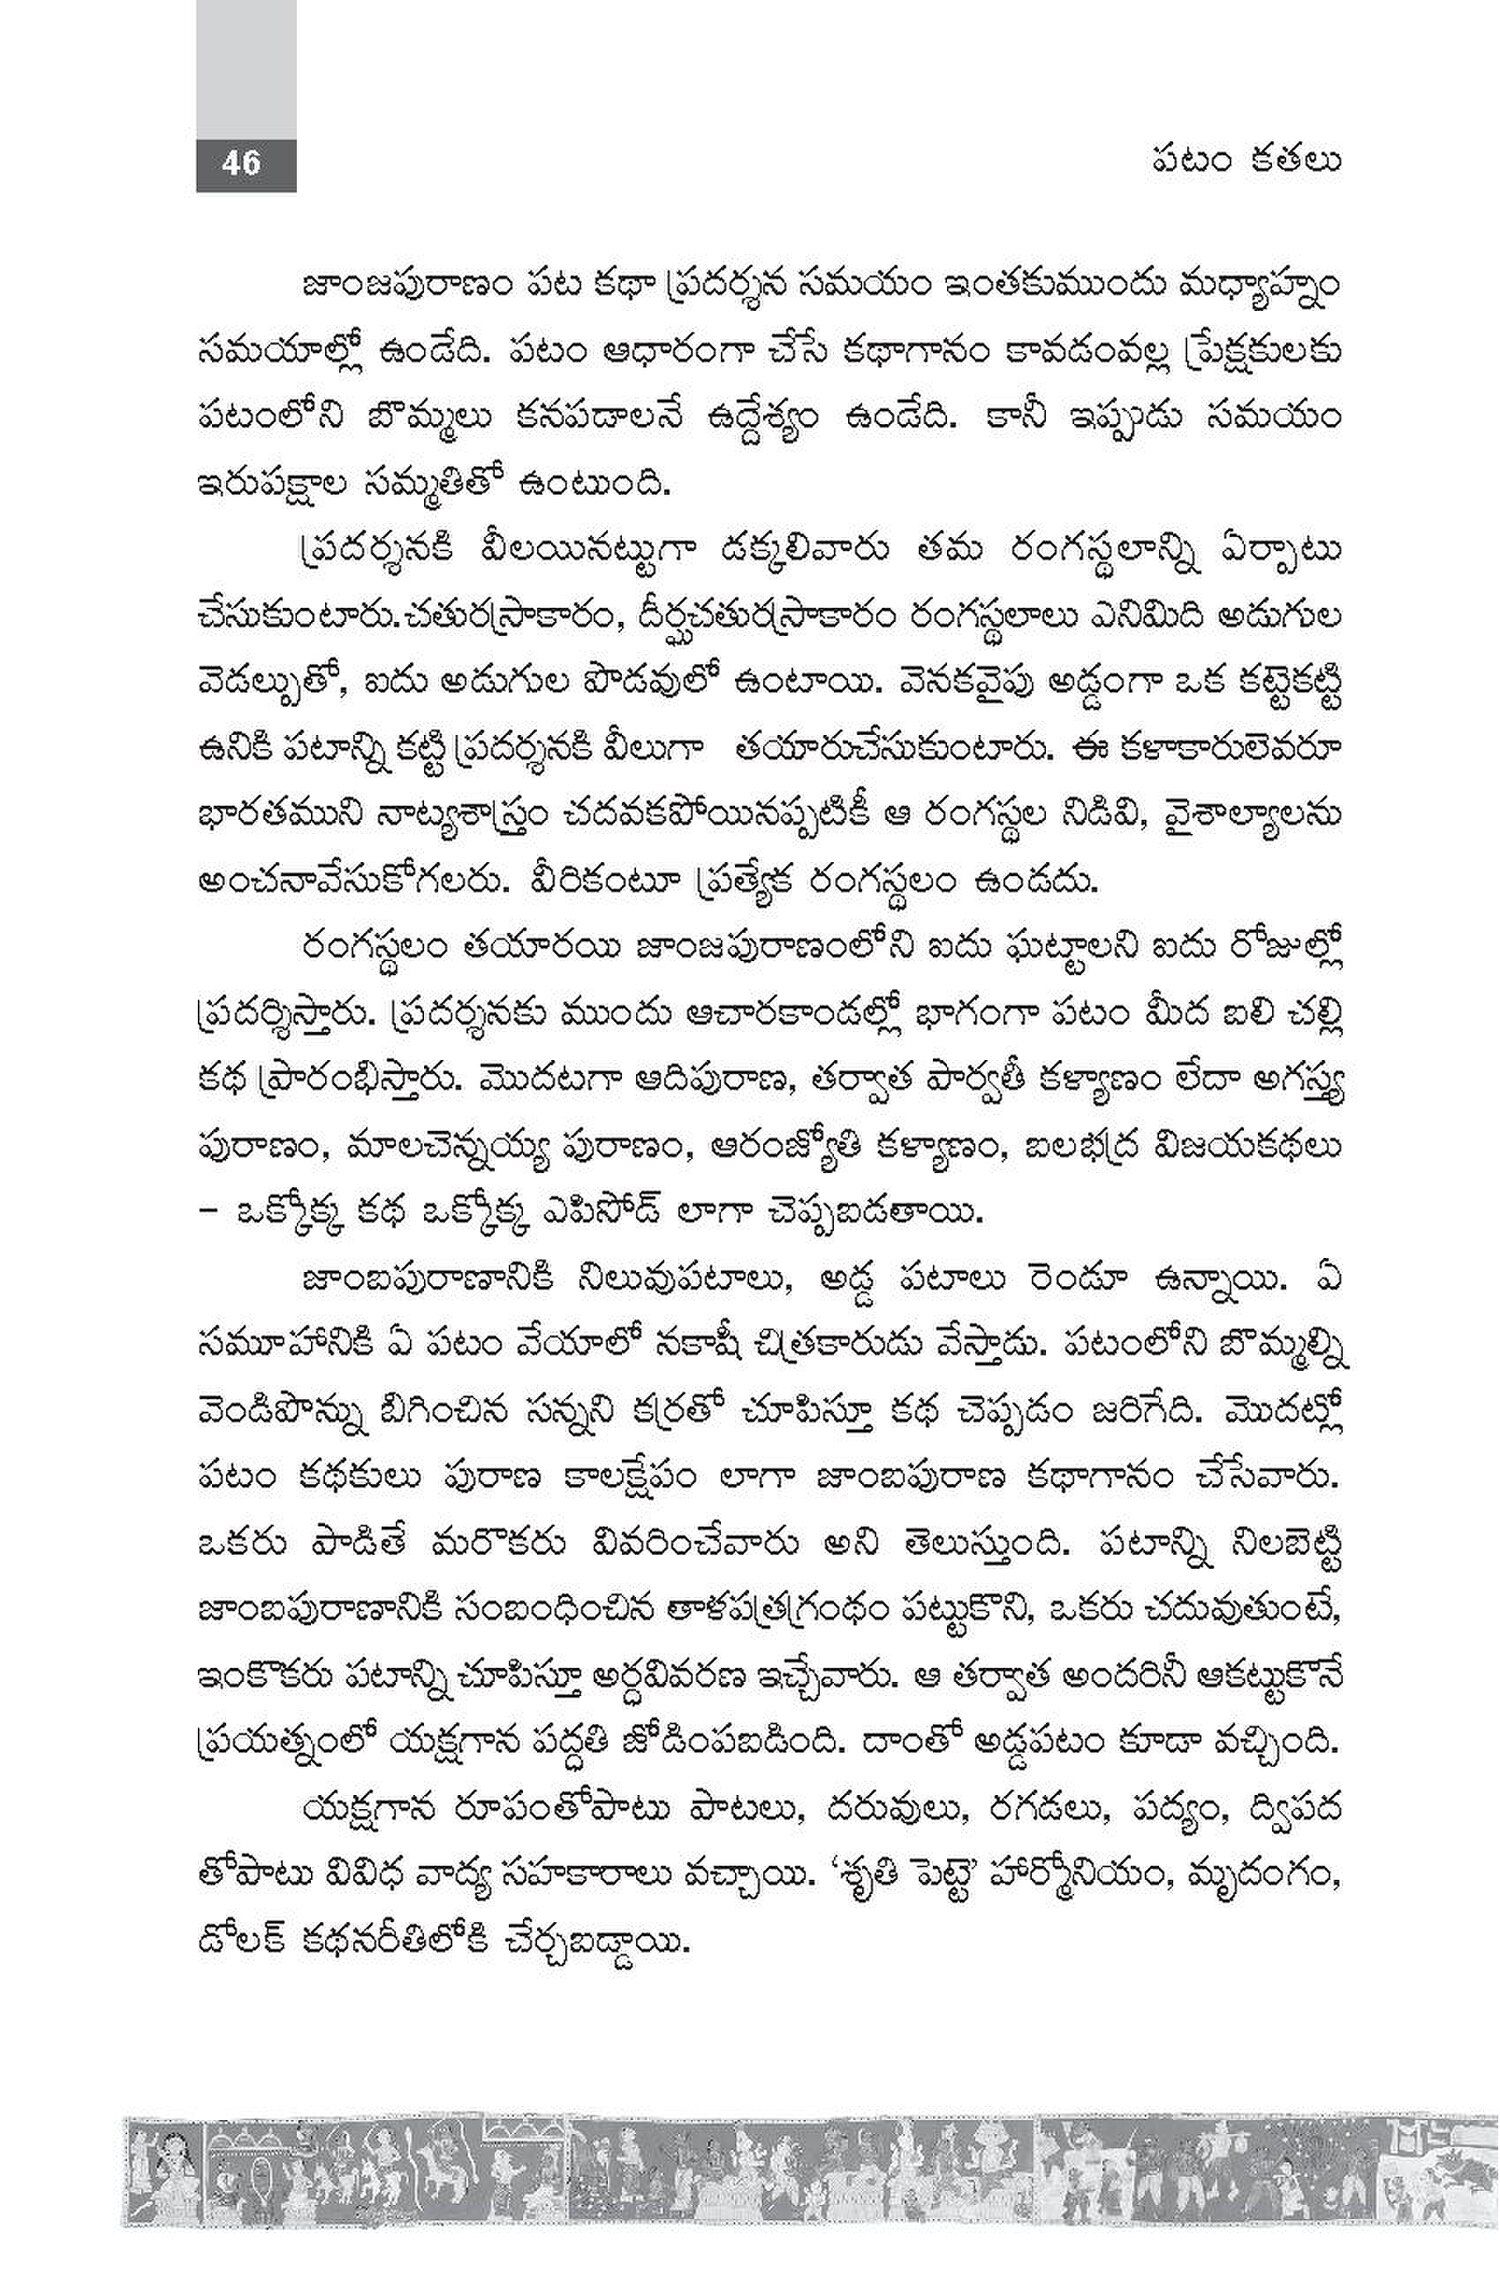జాంజపురాణం పట కథా ప్రదర్శన సమయం ఇంతకుముందు మధ్యాహ్నం సమయాల్లో ఉండేది. పటం ఆధారంగా చేసే కథాగానం కావడంవల్ల ప్రేక్షకులకు పటంలోని బొమ్మలు కనపడాలనే ఉద్దేశ్యం ఉండేది. కానీ ఇప్పుడు సమయం
ఇరుపక్షాల సమ్మతితో ఉంటుంది.

ప్రదర్శనకి వీలయినట్టుగా డక్కలివారు తమ రంగస్థలాన్ని ఏర్పాటు చేసుకుంటారు. చతురస్రాకారం, దీర్ఘచతురస్రాకారం రంగస్థలాలు ఎనిమిది అడుగుల వెడల్పుతో, ఐదు అడుగుల పొడవులో ఉంటాయి. వెనకవైపు అడ్డంగా ఒక కట్టేకట్టి
ఉనికి పటాన్ని కట్టి ప్రదర్శనకి వీలుగా తయారుచేసుకుంటారు. ఈ కళాకారులెవరూ భారతముని నాట్యశాస్త్రం చదవక పోయినప్పటికీ ఆ రంగస్థల నిడివి, వైశాల్యాలను అంచనావేసుకోగలరు. వీరికంటూ ప్రత్యేక రంగస్థలం ఉండదు.

రంగస్థలం తయారయి జాంజపురాణంలోని ఐదు ఘట్టాలని ఐదు రోజుల్లో ప్రదర్శిస్తారు. ప్రదర్శనకు ముందు ఆచార కాండల్లో భాగంగా పటం మీద బలి చల్లి కథ ప్రారంభిస్తారు. మొదటగా ఆదిపురాణ, తర్వాత పార్వతీ కళ్యాణం లేదా అగస్త్య పురాణం, మాలచెన్నయ్య పురాణం, ఆరంజ్యోతి కళ్యాణం, ఐలభద్ర విజయకథలు - ఒక్కోక్క కథ ఒక్కోక్క ఎపిసోడ్ లాగా చెప్పబడతాయి.

జాంబపురాణానికి నిలువుపటాలు, అడ్డ పటాలు రెండూ ఉన్నాయి. ఏ సమూహానికి ఏ పటం వేయాలో నకాషీ చిత్రకారుడు వేస్తాడు. పటంలోని బొమ్మల్ని వెండిపొన్ను బిగించిన సన్నని కర్రతో చూపిస్తూ కథ చెప్పడం జరిగేది. మొదట్లో పటం కథకులు పురాణ కాలక్షేపం లాగా జాంబపురాణ కథాగానం చేసేవారు. ఒకరు పాడితే మరొకరు వివరించేవారు అని తెలుస్తుంది. పటాన్ని నిలబెట్టి జాంబపురాణానికి సంబంధించిన తాళపత్రగ్రంథం పట్టుకొని, ఒకరు చదువుతుంటే,
ఇంకొకరు పటాన్ని చూపిస్తూ అర్ధవివరణ ఇచ్చేవారు. ఆ తర్వాత అందరినీ ఆకట్టుకొనే ప్రయత్నంలో యక్షగాన పద్ధతి జోడింపబడింది. దాంతో అడ్డపటం కూడా వచ్చింది. 

యక్షగాన రూపంతోపాటు పాటలు, దరువులు, రగడలు, పద్యం, ద్విపదతోపాటు వివిధ వాద్య సహకారాలు వచ్చాయి. 'శృతి పెట్టె' హార్మోనియం, మృదంగం, డోలక్ కథనరీతిలోకి చేర్చబడ్డాయి.